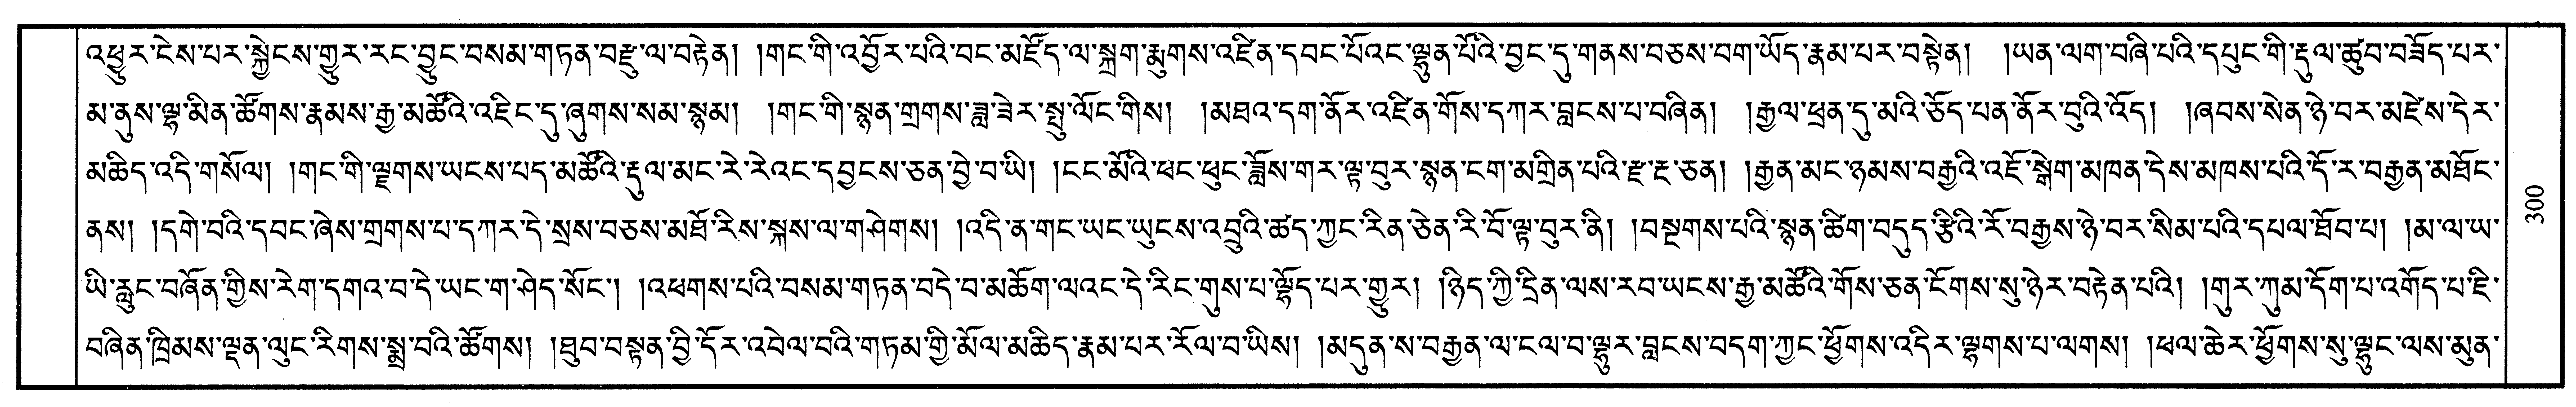འཕྱུར་ངེས་པར་སྐྱེངས་གྱུར་རང་བྱུང་བསམ་གཏན་བརྫུ་ལ་བརྟེན། །གང་གི་འབྱོར་པའི་བང་མཛོད་ལ་སྐྲག་རྨུགས་འཛིན་དབང་པོའང་ལྷུན་པོའི་བྱང་དུ་གནས་བཅས་བག་ཡོད་རྣམ་པར་བསྟེན། །ཡན་ལག་བཞི་པའི་དཔུང་གི་རྡུལ་ཚུབ་བཟོད་པར་
མ་ནུས་ལྷ་མིན་ཚོགས་རྣམས་རྒྱ་མཚོའི་འཇིང་དུ་ཞུགས་སམ་སྙམ། །གང་གི་སྙན་གྲགས་ཟླ་ཟེར་སྤུ་ལོང་གིས། །མཐའ་དག་ནོར་འཛིན་གོས་དཀར་བླངས་པ་བཞིན། །རྒྱལ་ཕྲན་དུ་མའི་ཅོད་པན་ནོར་བུའི་འོད། །ཞབས་སེན་ཉེ་བར་མཛེས་དེར་
མཆིད་འདི་གསོལ། །གང་གི་ལྗགས་ཡངས་པད་མཚོའི་རྡུལ་མང་རེ་རེའང་དབྱངས་ཅན་བྱེ་བ་ཡི། །ངང་མོའི་ཕང་ཕུང་ཟློས་གར་ལྟ་བུར་སྙན་ངག་མགྲིན་པའི་རྫ་རྔ་ཅན། །རྒྱན་མང་ཉམས་བརྒྱའི་འཇོ་སྒེག་མཁན་དེས་མཁས་པའི་དོ་ར་བརྒྱན་མཐོང་
ནས། །དགེ་བའི་དབང་ཞེས་གྲགས་པ་དཀར་དེ་སྲས་བཅས་མཐོ་རིས་སྐས་ལ་གཤེགས། །འདི་ན་གང་ཡང་ཡུངས་འབྲུའི་ཚད་ཀྱང་རིན་ཅེན་རི་བོ་ལྟ་བུར་ནི། །བསྔགས་པའི་སྙན་ཚིག་བདུད་རྩིའི་རོ་བརྒྱས་ཉེ་བར་སིམ་པའི་དཔལ་ཐོབ་པ། །མ་ལ་ཡ་
ཡི་རླུང་བཞོན་གྱིས་རེག་དགའ་བ་དེ་ཡང་ག་ཤེད་སོང་། །འཕགས་པའི་བསམ་གཏན་བདེ་བ་མཆོག་ལའང་དེ་རིང་གུས་པ་ལྷོད་པར་གྱུར། །ཉིད་ཀྱི་དྲིན་ལས་རབ་ཡངས་རྒྱ་མཚོའི་གོས་ཅན་ངོགས་སུ་ཉེར་བརྟེན་པའི། །གུར་ཀུམ་དོག་པ་འགོད་པ་ཇི་
བཞིན་ཁྲིམས་ལྡན་ལུང་རིགས་སྨྲ་བའི་ཚོགས། །ཐུབ་བསྟན་བྱི་དོར་འབེལ་བའི་གཏམ་གྱི་མོལ་མཆིད་རྣམ་པར་རོལ་བ་ཡིས། །མདུན་ས་བརྒྱན་ལ་ངལ་བ་ལྷུར་བླངས་བདག་ཀྱང་ཕྱོགས་འདིར་ལྷགས་པ་ལགས། །ཕལ་ཆེར་ཕྱོགས་སུ་ལྷུང་ལས་མུན་